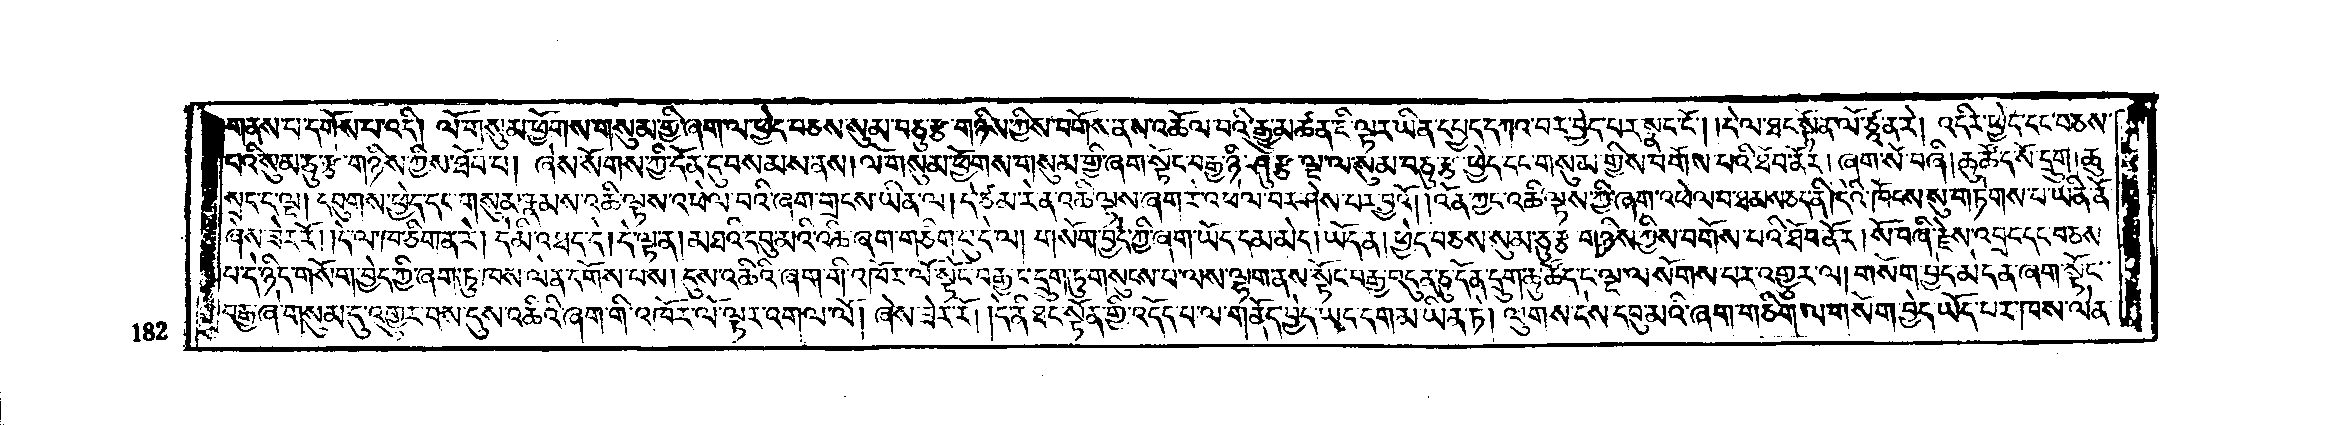གནས་པ་དགོས་པ་འདི། ལོ་གསུམ་ཕྱོགས་གསུམ་གྱི་ཞག་ལ་ཕྱེད་བཅས་སུམ་བཅུ་རྩ་གཉིས་ཀྱིས་བགོས་ནས་འཆོལ་བའི་རྒྱུ་མཚན་ཇི་ལྟར་ཡིན་དཔྱད་དཀའ་བར་བྱེད་པར་སྣང་ངོ། །དེ་ལ་ཐང་སྟོན་ལོ་ཙཱ་ན་རེ། འདིར་ཕྱེད་དང་བཅས་
པའི་སུམ་ཅུ་རྩ་གཉིས་ཀྱིས་ཐོབ་པ། ཞེས་སོགས་ཀྱི་དོན་དུ་བསམས་ནས། ལོ་གསུམ་ཕྱོགས་གསུམ་གྱི་ཞག་སྟོང་བརྒྱ་ཉི་ཤུ་རྩ་ལྔ་ལ་སུམ་བཅུ་རྩ་ཕྱེད་དང་གསུམ་གྱིས་བགོས་པའི་ཐོབ་ནོར། ཞག་སོ་བཞི། ཆུ་ཚོད་སོ་དྲུག །ཆུ་
སྲང་ང་ལྔ། དབུགས་ཕྱེད་དང་གསུམ་རྣམས་འཆི་ལྟས་འཕེལ་བའི་ཞག་གྲངས་ཡིན་ལ། དེ་ཙམ་རིན་འཆི་ལྟས་ཞག་རེ་འཕེལ་བར་ཤེས་པར་བྱའོ། །འོན་ཀྱང་འཆི་ལྟས་ཀྱི་ཞག་འཕེལ་བ་ཐམས་ཅད་ནི། དེའི་ཁོངས་སུ་གཏེགས་པ་ཡིན་ནོ་
ཞེས་ཟེར་རོ། །དེ་ལ་ཁ་ཅིག་ན་རེ། དེ་མི་འཐད་དེ། དེ་ལྟ་ན། མཐའི་དབུ་མའི་འཆི་ཞག་གཅིག་པུ་དེ་ལ། གསོག་བྱེད་ཀྱི་ཞག་ཡོད་དམ་མེད། ཡོད་ན། ཕྱེད་བཅས་སུམ་ཅུ་རྩ་གཉིས་ཀྱིས་བགོས་པའི་ཐོབ་ནོར། སོ་བཞི་རྗེས་འབྲང་དང་བཅས་
པ་དེ་ཉིད་གསོག་བྱེད་ཀྱི་ཞག་ཏུ་ཁས་ལེན་དགོས་པས། དུས་འཆིའི་ཞག་གི་འཁོར་ལོ་སྟོང་བརྒྱ་པ་དྲུག་ཏུ་གསུངས་པ་ལས་ལྷག་ནས་སྟོང་བརྒྱ་བདུན་ཅུ་དོན་དྲུག་ཆུ་ཚོད་ང་ལྔ་ལ་སོགས་པར་འགྱུར་ལ། གསོག་བྱེད་མེད་ན་ཞག་སྟོང་
བརྒྱ་ཞེ་གསུམ་དུ་འགྱུར་བས་དུས་འཆིའི་ཞག་གི་འཁོར་ལོ་ལྟར་འགལ་ལོ། ཞེས་ཟེར་རོ། །དེ་ནི་ཐང་སྟོན་གྱི་འདོད་པ་ལ་གནོད་བྱེད་ཡང་དག་མ་ཡིན་ཏེ། ལུགས་ངེས་དབུ་མའི་ཞག་གཅིག་ལ་གསོག་བྱེད་ཡོད་པར་ཁས་ལེན་